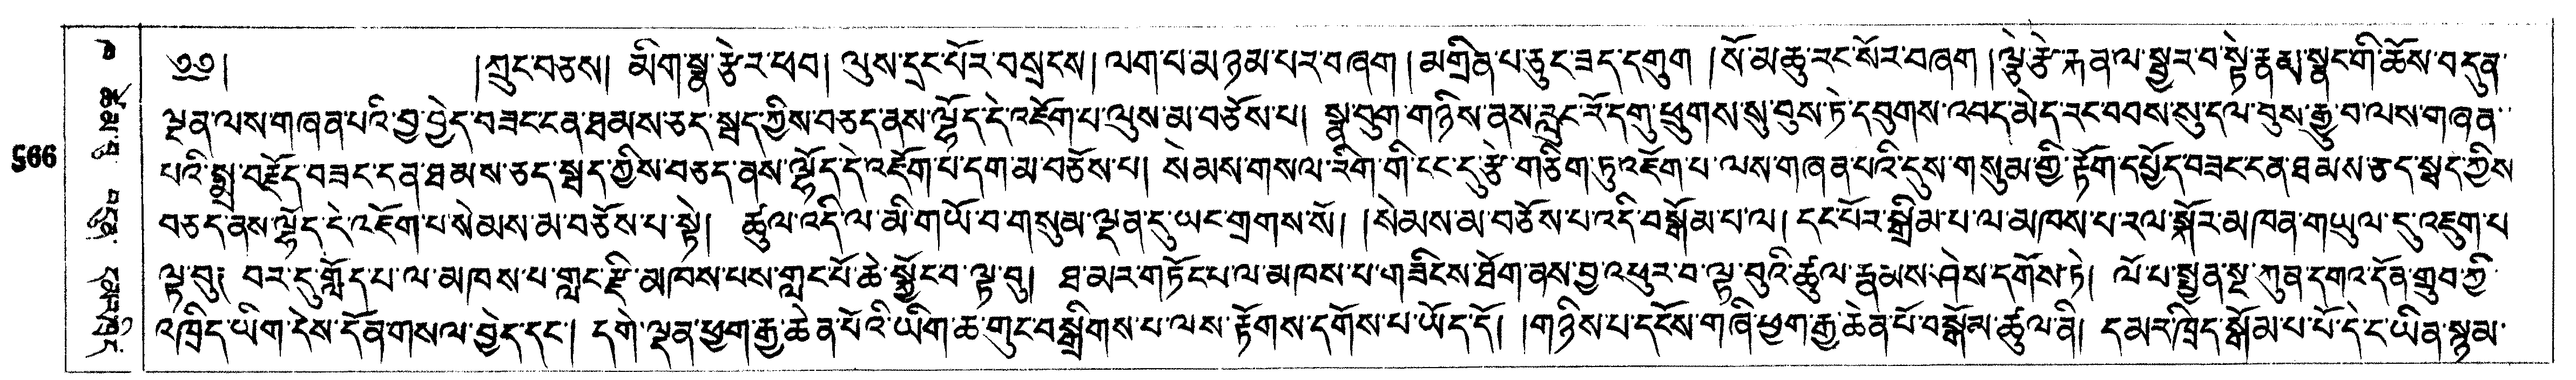༄༅། །ཀྲུང་བཅས། མིག་སྣ་རྩེར་ཕབ། ལུས་དྲང་པོར་བསྲངས། ལག་པ་མཉམ་པར་བཞག །མགྲིན་པ་ཅུང་ཟད་དགུག །སོ་མཆུ་རང་སོར་བཞག །ལྕེ་རྩེ་རྐན་ལ་སྦྱར་བ་སྟེ་རྣམ་སྣང་གི་ཆོས་བདུན་
ལྡན་ལས་གཞན་པའི་བྱ་བྱེད་བཟང་ངན་ཐམས་ཅད་སྦད་ཀྱིས་བཅད་ནས་ལྷོད་དེ་འཇོག་པ་ལུས་མ་བཅོས་པ། སྣ་བུག་གཉིས་ནས་རླུང་རོ་དགུ་ཕྲུགས་སུ་བུས་ཏེ་དབུགས་འབད་མེད་རང་བབས་སུ་དལ་བུས་རྒྱུ་བ་ལས་གཞན་
པའི་སྨྲ་བརྗོད་བཟང་ངན་ཐམས་ཅད་སྦད་ཀྱིས་བཅད་ནས་ལྷོད་དེ་འཇོག་པ་དག་མ་བཅོས་པ། སེམས་གསལ་རིག་གི་ངང་དུ་རྩེ་གཅིག་ཏུ་འཇོག་པ་ལས་གཞན་པའི་དུས་གསུམ་གྱི་རྟོག་དཔྱོད་བཟང་ངན་ཐམས་ཅད་སྦད་ཀྱིས་
བཅད་ནས་ལྷོད་དེ་འཇོག་པ་སེམས་མ་བཅོས་པ་སྟེ། ཚུལ་འདི་ལ་མི་གཡོ་བ་གསུམ་ལྡན་དུ་ཡང་གྲགས་སོ། །སེམས་མ་བཅོས་པ་འདི་བསྒོམ་པ་ལ། དང་པོར་སྒྲིམ་པ་ལ་མཁས་པ་རལ་སྐོར་མཁན་གཡུལ་དུ་འཇུག་པ་
ལྟ་བུ༑ བར་དུ་གློད་པ་ལ་མཁས་པ་གླང་རྫི་མཁས་པས་གླང་པོ་ཆེ་སྐྱོང་བ་ལྟ་བུ། ཐ་མར་གཏོང་པ་ལ་མཁས་པ་གཟིངས་ཐོག་ནས་བྱ་འཕུར་བ་ལྟ་བུའི་ཚུལ་རྣམས་ཤེས་དགོས་ཏེ། ལོ་པ་སྤྱན་སྔ་ཀུན་དགའ་དོན་གྲུབ་ཀྱི་
འཁྲིད་ཡིག་དེས་དོན་གསལ་བྱེད་དང་། དགེ་ལྡན་ཕྱག་རྒྱ་ཆེན་པོའི་ཡིག་ཆ་གུང་བསྒྲིགས་པ་ལས་རྟོགས་དགོས་པ་ཡོད་དོ། །གཉིས་པ་དངོས་གཞི་ཕྱག་རྒྱ་ཆེན་པོ་བསྒོམ་ཚུལ་ནི། དམར་ཁྲིད་སྒོམ་པ་པོ་དེ་ང་ཡིན་སྙམ་